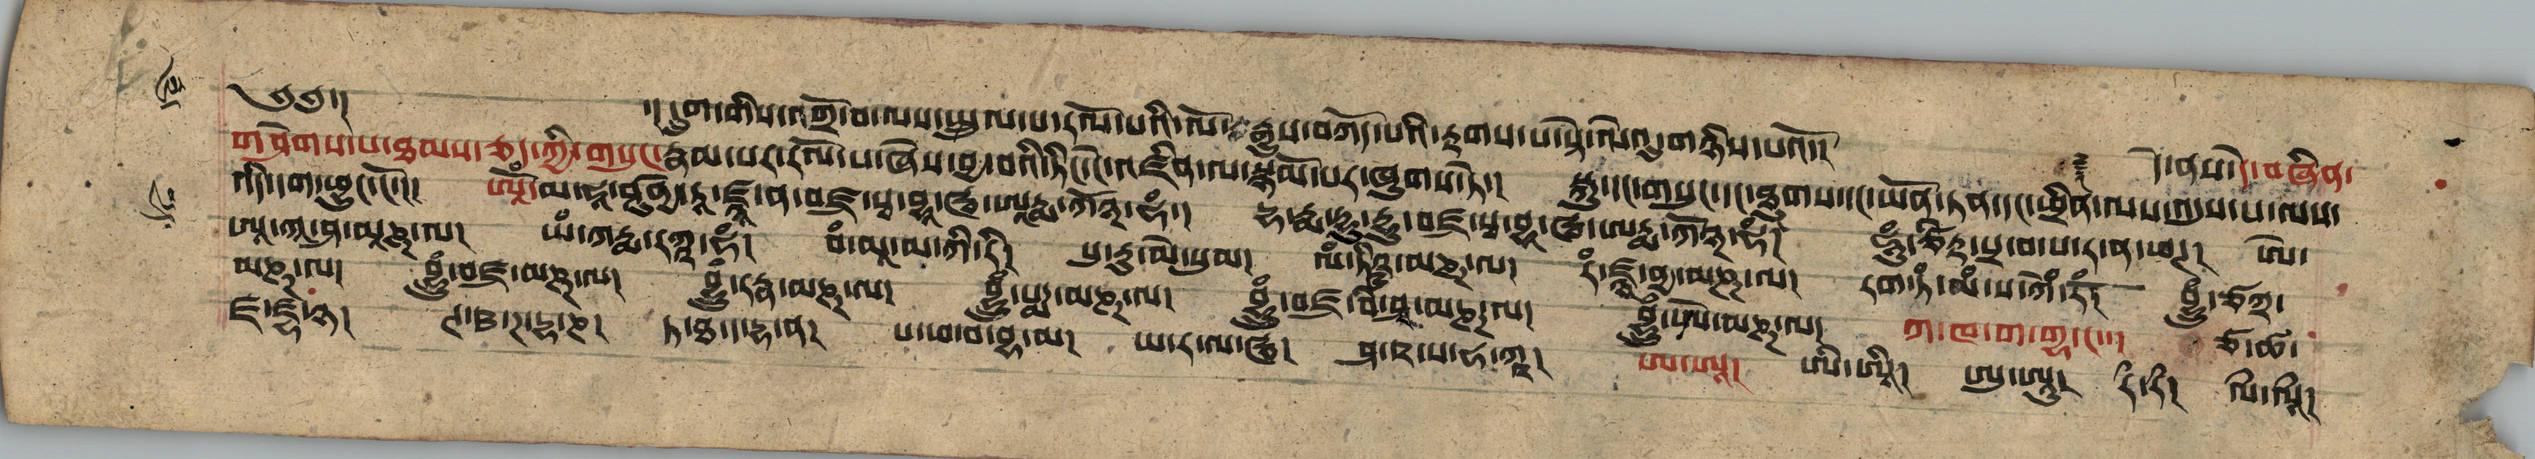༄༅་། ་།དྲུག་གིས་འགྲོ་བ་ལས་སྤྲུལ་པ་རོལ་པའི་ལོ་རྒྱུས་བཀོད་པའི་རྟགས་པ་སྟེ་ལེའུ་གཉིས་པའོ་། ༈ དེ་ནས་དེ་བཞིན་
གཤེགས་པ་ཐམས་ཅད་ཀྱི་གསུང་རྣམ་པར་རོལ་པ་ཞེས་བྱ་བའི་ཏིང་ངེ་འཛིན་ལ་སྙོམ་པར་ཞུགས་ཏེ་། སྐུ་དང་གསུང་དང་ཐུགས་དང་ཡོན་ཏན་དང་ཕྲིན་ལས་འདུས་པ་ལས་
འདི་དག་ཕྱུང་ངོ་།། ཨོཾ་མ་ཧཱ་ཤུནྱེ་ཏཱ་ཛྙཱ་ན་བཛྲ་སྭ་བྷཱ་ཝ་ཨཱཏྨ་ཀོ྅་ཧཾ་། དྷ་རྨ་དྷུ་དྷུ་བཛྲ་སྭ་བྷཱ་ཝ་ཨཏྨ་ཀོ྅་ཧཾ། ཧཱུཾ་ཙིཏྟ་པྲ་བ་ས་ར་ན་ཕཊ། ཨེ་
ཨཱ་ཀཱ་ཤ་མཱཎྜ་ལ། ཡཾ་ཀརྨ་རཀྵ་ཧཾ། བཾ་མཱ་མ་ཀི་རི། སུ་རུ་མེ་སུམ། ལཾ་ཏིཥྛ་མཎྜ་ལ། རཾ་ཛྙ་བྱ་མཎྜ་ལ། རག་ཏཾ་མཾ་ས་ཀོཾ་རཾ། བྷྱུཾ་ཙཀྲ་
མཎྜ་ལ། བྷྲུཾ་བཛྲ་མཎྜ་ལ། བྷྲུ་རཏྣ་མཎྜ་ལ། བྷྲུཾ་པདྨ་མཎྜ་ལ། བྷྲུཾ་བཛྲ་བི་ཤྭ་མཎྜ་ལ། བྷྲུཾ་ཨེ་མཎྜ་ལ། ཀ་ཁ་ག་གྷ་ང་་། ཙ་ཚ་
ཛ་ཛྷ་ཉ། ཊ་ཋ་ཌ་ཌྷ་ཎ། ཏ་ཐ་ད་དྷ་ན། པ་ཕ་བ་བྷ་མ། ཡ་ར་ལ་ཝ། ཤ་ཥ་ས་ཧ་ཀྵ། ཨ་ཨཱ། ཨི་ཨཱི། ཨུ་ཨཱུ། རྀ་རྀ། ལྀ་ལཱྀ།